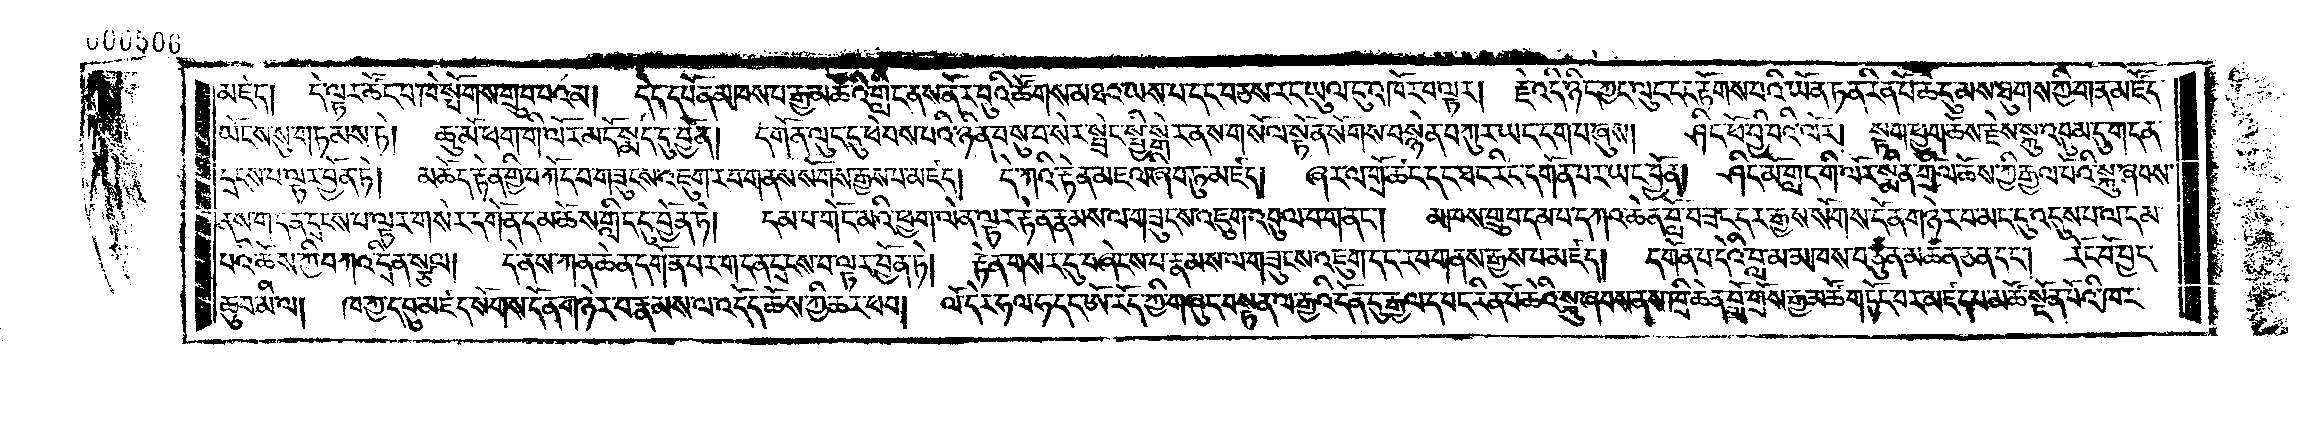མཛད། དེ་ལྟར་ཚོང་པ་ཁེ་སྤོགས་གྲུབ་པའམ། དེད་དཔོན་མཁས་པ་རྒྱ་མཚོའི་གླིང་ནས་ནོར་བུའི་ཚོགས་མཐའ་ཡས་པ་དང་བཅས་རང་ཡུལ་དུ་འཁོར་པ་ལྟར། རྗེ་འདི་ཉིད་ཀྱང་ལུང་དང་རྟོགས་པའི་ཡོན་ཏན་རིན་པོ་ཆེ་དུ་མས་ཐུགས་ཀྱི་གན་མཛོད་
ཡོངས་སུ་གཏམས་ཏེ། ཆུ་མོ་ཕག་གི་ལོར་མདོ་སྨད་དུ་བྱོན། དགོན་ལུང་དུ་ཕེབས་པའི་ཉིན་བསུ་བ་སེར་སྤྲེང་སྤྱི་སྒེར་ནས་གསོལ་སྟོན་སོགས་བསྙེན་བཀུར་ཡང་དག་པ་ཞུས། ཤིང་ཕོ་བྱི་བའི་ལོར། སྟག་ཕྱུག་ཆོས་རྗེས་སྐུ་འབུམ་དུ་གདན་
དྲངས་པ་ལྟར་བྱོན་ཏེ། མཆོད་རྟེན་གྱི་བཀོད་པ་གཟུངས་འཇུག་རབ་གནས་སོགས་རྒྱས་པ་མཛད། དེ་ཀའི་རྟེན་མཇལ་ཞིབ་ཏུ་མཛད། ཞར་ལ་གྲོ་ཚང་དང་ཐང་རིང་དགོན་པར་ཡང་བྱོན། ཤིང་མོ་གླང་གི་ལོར་སྨིན་གྲོལ་ཆོས་ཀྱི་རྒྱལ་པོའི་སྐུ་ཞབས་
ནས་གདན་དྲངས་པ་ལྟར་གསེར་དགོན་དམ་ཆོས་གླིང་དུ་བྱོན་ཏེ། དམ་པ་གོང་མའི་ཕྱག་ལེན་ལྟར་རྟེན་རྣམས་ལ་གཟུངས་འཇུག་འབུལ་བ་གནང་། མཁས་གྲུབ་དམ་པ་དཀའ་ཆེན་བློ་བཟང་དར་རྒྱས་སོགས་དོན་གཉེར་བ་མང་དུ་འདུས་པ་ལ་དམ་
པའི་ཆོས་ཀྱི་བཀའ་དྲིན་སྩལ། དེ་ནས་ཀན་ཆེན་དགོན་པར་གདན་དྲངས་པ་ལྟར་བྱོན་ཏེ། རྟེན་གསར་དུ་བཞེངས་པ་རྣམས་ལ་གཟུངས་འཇུག་དང་རབ་གནས་རྒྱས་པ་མཛད། དགོན་པ་དེའི་བླ་མ་མཁས་བཙུན་མཚན་ཅན་དང་། རོང་པོ་བྱང་
ཆུབ་མི་ལ། ཁ་ཀྱ་དབུ་མཛད་སོགས་དོན་གཉེར་བ་རྣམས་ལ་འདོད་ཆོས་ཀྱི་ཆར་ཕབ། ལོ་དེར་ཧལ་ཧ་དང་ཨོ་རོད་ཀྱི་གཞུང་བསྟན་ལ་རྒྱའི་དོན་དུ་རྒྱལ་དབང་རིན་པོ་ཆེའི་སྐུ་ཞབས་ནས་ཁྲི་ཆེན་བློ་གྲོས་རྒྱ་མཚོག་གཏོང་བར་མཛད་པ་མཚོ་སྔོན་པོའི་ཁར་